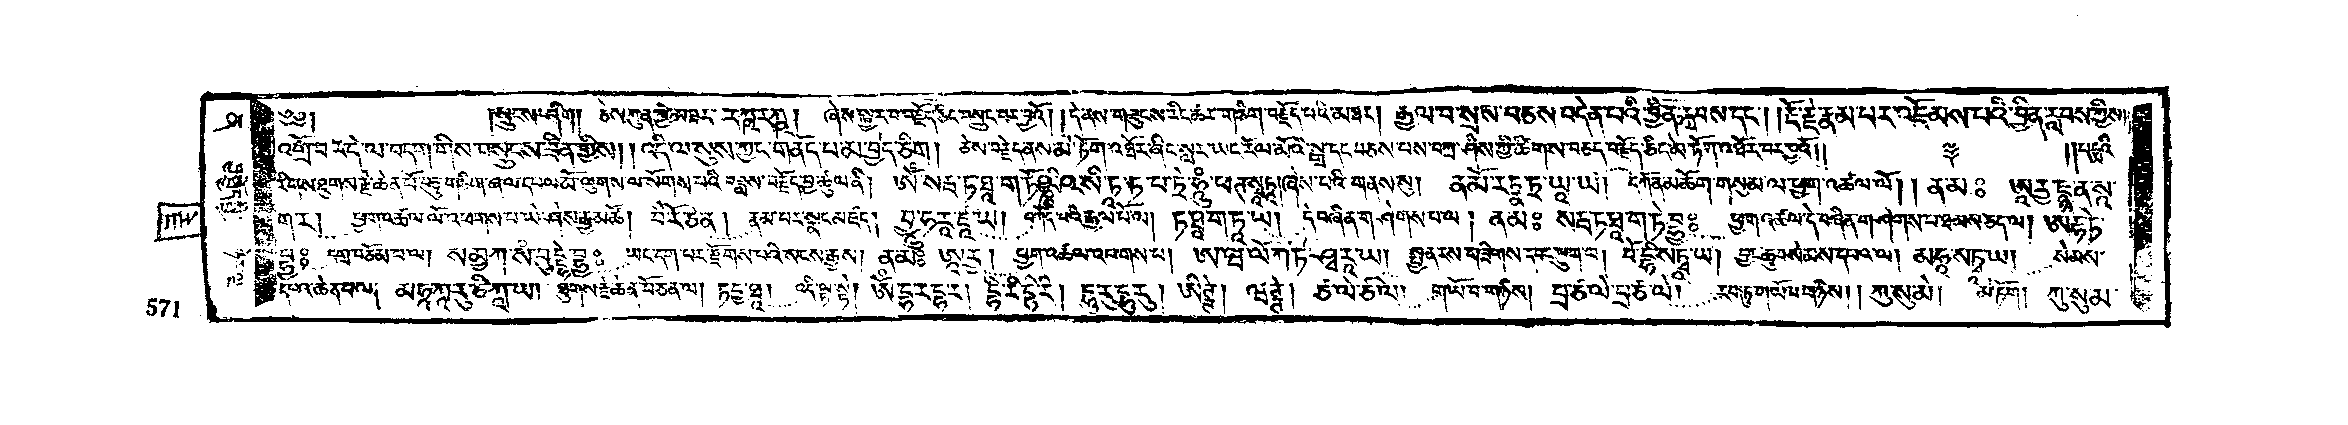༄༅། ། སྲུངས་ཤིག །ཅེས་ཀུན་གྱི་མཐར་རཀྵ་རཀྵ། ཞེས་སྦྱང་བབ་བརྗོད་ཅིང་བསྲུང་བར་བྱའོ། །དེ་ནས་གཟུགས་རིང་ཚར་གཅིག་བརྗོད་པའི་མཐར་རྒྱལ་བ་སྲས་བཅས་བདེན་པའི་བྱིན་རླབས་དང་། །རྡོ་རྗེ་རྣམ་པར་འཇོམས་པའི་བྱིན་རླབས་ཀྱིས། །
འགྲོ་བ་འདི་ལ་བདག་གིས་བསྲུངས་ཟིན་གྱིས། །འདི་ལ་སུས་ཀྱང་གནོད་པ་མ་བྱེད་ཅིག །ཅེས་བརྗོད་ནས་མེ་ཏོག་འཐོར་ཞིང་སླར་ཡང་རོལ་མོའི་སྒྲ་དང་བཅས་པས་བཀྲ་ཤིས་ཀྱི་ཚིགས་བཅད་བརྗོད་ཅིང་མེ་ཏོག་འཐོར་བར་བྱའོ།། ༈ །།པདམའི་
རིགས་ཐུགས་རྗེ་ཆེན་པོ་བཅུ་གཅིག་ཞལ་དཔལ་མོ་ལུགས་ལ་སོགས་པའི་བཟླས་བརྗོད་བྱ་ཚུལ་ནི། ཨོཾ་སརྦ་ཏ་ཐཱ་ག་ཏོསཎཱི་ཥ་སི་ཏ་ཏ་པ་ཧྲེ་ཧཱུཾ་ཕཊ་སྭཱ་ཧཱ། ཞེས་པའི་གནས་སུ། ན་མོ་རཏྣ་ཏྲ་ཡཱ་ཡ། དཀོན་མཆོག་གསུམ་ལ་ཕྱག་འཚལ་ལོ། །ན་མཿ ཨཱ་རྱ་ཛྙཱ་ན་སཱ་
ག་ར། ཕྱག་འཚལ་ལོ་འཕགས་པ་ཡེ་ཤེས་རྒྱ་མཚོ། བཻ་རོ་ཅེ་ན། རྣམ་པར་སྣང་མཛད།  བྱའུ་ཧ་རཱ་ཛཱ་ཡ། བཀོད་པའི་རྒྱལ་པོ་ལ།  ཏ་ཐཱ་ག་ཏཱ་ཡ། དེ་བཞིན་གཤེགས་པ་ལ།  ན་མཿ སརྦ་ཏ་ཐཱ་ག་ཏེ་བྷྱཿ ཕྱག་འཚལ་དེ་བཞིན་གཤེགས་པ་ཐམས་ཅད་ལ།  ཨརྷི་?་ཏེ་
བྷྱཿ དགྲ་བཅོམ་པ་ལ།  སམྱ་ཀ་སཾ་བུདྡྷ་བྷྱཿ ཡང་དག་པར་རྫོགས་པའི་སངས་རྒྱས།  ན་མཿ ཨཱརྲྱ། ཕྱག་འཚལ་འཕགས་པ། ཨ་ཝ་ལོ་ཀེ་ཏེ་ཤྭ་རཱ་ཡ། སྤྱན་རས་གཟིགས་དབང་ཕྱུག་ལ།  བེ་དྷི་སཏཱ་ཡ། བྱང་ཆུབ་སེམས་དཔའ་ལ། མཧཱ་སཏྭ་ཡ། སེམས་
དཔའ་ཆེན་པ་ལ། མཧཱ་ཀཱ་རུ་ཎི་ཀཱ་ཡ། ཐུགས་རྗེ་ཆེན་པོ་ཅན་ལ།  ཏདྱ་ཐཱ། འདི་ལྟ་སྟེ།  ཨོཾ་དྷ་ར་དྷ་ར། དྷི་རི་དྷི་རི། དྷུ་རུ་དྷུ་རུ། ཨིཏྣེ། ཝཊྚེ། ཙ་ལེ་ཙ་ལོ། གཡོ་བ་གཉིས། པྲ་ཙ་ལེ་པྲ་ཙ་ལེ། རབ་ཏུ་གཡོ་བ་གཉིས། ་ཀུ་སུ་མེ། མེ་ཏོག །ཀུ་སུ་མ་